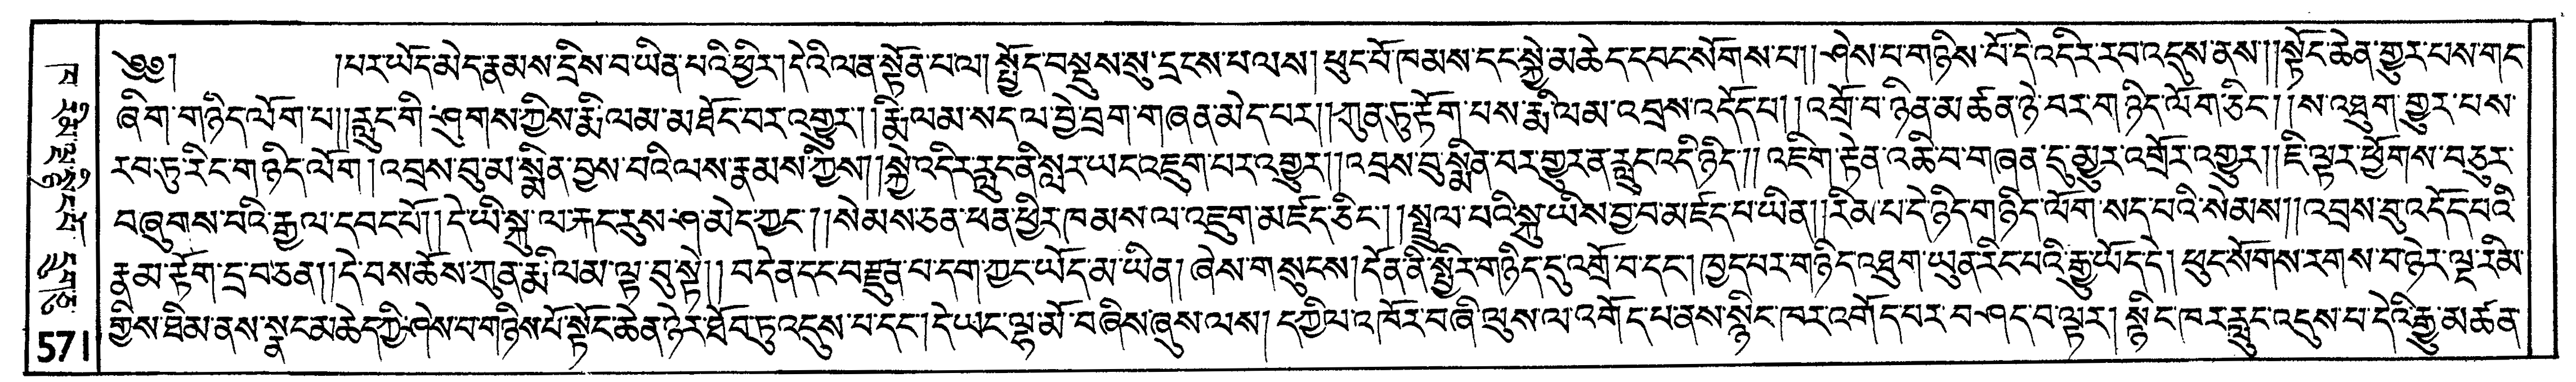༄༅། །པར་ཡོད་མེད་རྣམས་དྲིས་བ་ཡིན་པའི་ཕྱིར། དེའི་ལན་སྟོན་པ་ལ། སྤྱོད་བསྡུས་སུ་དྲངས་པ་ལས། ཕུང་པོ་ཁམས་དང་སྐྱེ་མཆེད་དབང་སོགས་པ། །ཤེས་པ་གཉིས་པོ་དེ་འདིར་རབ་འདུས་ནས། །སྟོང་ཆེན་གྱུར་པས་གང་
ཞིག་གཉིད་ལོག་པ། །རླུང་གི་ཤུགས་ཀྱིས་རྨི་ལམ་མཐོང་བར་འགྱུར། །རྨི་ལམ་སད་ལ་བྱེ་བྲག་གཞན་མེད་པར། །ཀུན་ཏུ་རྟོག་པས་རྨི་ལམ་འབྲས་འདོད་པ། །འགྲོ་བ་ཉིན་མཚན་ཉེ་བར་གཉིད་ལོག་ཅིང་། །ས་འཐུག་གྱུར་པས་
རབ་ཏུ་རིང་གཉིད་ལོག །འབྲས་བུ་མ་སྨིན་བྱས་པའི་ལས་རྣམས་ཀྱིས། །སྐྱེ་འདིར་རླུང་ནི་སླར་ཡང་འཇུག་པར་འགྱུར། །འབྲས་བུ་སྨིན་པར་གྱུར་ན་རླུང་འདི་ཉིད། །འཇིག་རྟེན་འཆི་བ་གཞན་དུ་མྱུར་འགྲོར་འགྱུར། །ཇི་ལྟར་ཕྱོགས་བཅུར་
བཞུགས་པའི་རྒྱལ་དབང་པོ། །དེ་ཡི་སྐུ་ལ་རྐང་རུས་ཤ་མེད་ཀྱང་། །སེམས་ཅན་ཕན་ཕྱིར་ཁམས་ལ་འཇུག་མཛད་ཅིང་། །སྤྲུལ་པའི་སྐུ་ཡིས་བྱ་བ་མཛད་པ་ཡིན། །རིམ་པ་དེ་ཉིད་གཉིད་ལོག་སད་པའི་སེམས། །འབྲས་བུ་འདོད་པའི་
རྣམ་རྟོག་དྲ་བ་ཅན། །དེ་བས་ཆོས་ཀུན་རྨི་ལམ་ལྟ་བུ་སྟེ། །བདེན་དང་བརྫུན་པ་དག་ཀྱང་ཡོད་མ་ཡིན། ཞེས་གསུངས། དོན་ནི་སྤྱིར་གཉིད་དུ་འགྲོ་བ་དང་། ཁྱད་པར་གཉིད་འཐུག་ཡུན་རིང་པའི་རྒྱུ་ཡོད་དེ། ཕུང་སོགས་རགས་བ་ཉེར་ལྔ་རིམ་
གྱིས་ཐིམ་ནས་སྣང་མཆེད་ཀྱི་ཤེས་པ་གཉིས་པོ་སྟོང་ཆེན་ཉེར་ཐོབ་ཏུ་འདུས་པ་དང་། དེ་ཡང་ལྷ་མོ་བཞིས་ཞུས་ལས། དཀྱིལ་འཁོར་བཞི་ལུས་ལ་འགོད་པ་ནས་སྙིང་ཁར་འགོད་པར་བཤད་བ་ལྟར། སྙིང་ཁར་རླུང་འདུས་པ་དེའི་རྒྱུ་མཚན་